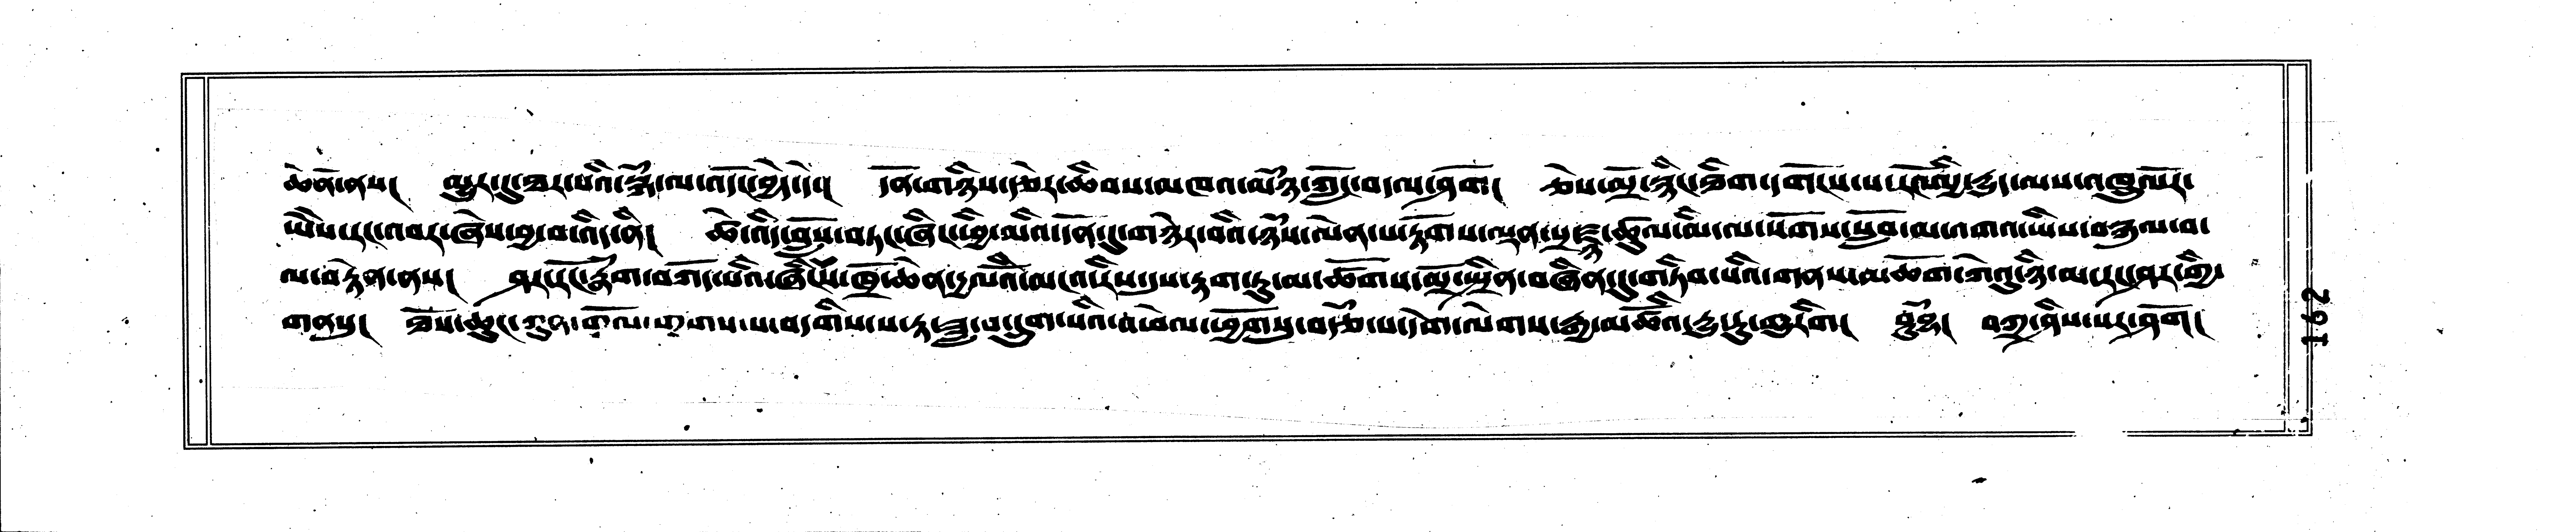ཆེན་པོ་ནས། མྱུར་དུ་ཐར་པའི་སྐམ་ལ་འདོང་བྱེད་དེ། །དོན་གཉིས་རྩེར་ཆིབས་མཁའ་མཉམ་ཀློང་བདལ་ཤོག། ཅེས་མཁའ་འགྲོ་སྙིང་ཐིག་དགོངས་པ་རང་གྲོལ་གྱི་རྒྱུད་ལས། འཁྲུལ་འཁོར་
ཡེ་ཤེས་རང་འབར་ཞེས་བྱ་བ་འདི་ནི། ཚེ་འདི་བློས་བཏང་ཞིང་། ཕྱི་མའི་དོན་དུ་གཉེར་བའི་ཉམས་ལེན་པ་རྟོགས་ལྡན་པྲཛྙ་ཚུལ་མི་ལ་སོགས་སློབ་མ་འགའ་ཡིས་བསྐུལ་བ་
ལ་བརྟེན་ནས། ཤར་རོང་རྣམ་དག་བཀོད་པའི་ཞིང་ཁམས་ཁྲོ་ཆེན་རྒྱལ་པོའི་མངའ་རིས་དུས་རྟག་ཏུ་མ་ཚོགས་མཁའ་འགྲོ་སྤྲིན་བཞིན་དུ་གཏིབས་པའི་གནས་མཆོག་ཀེའུ་ཉི་མ་རང་ཤར་གྱི་
གནས་སུ་ཐོས་ཆུང་ཀུན་གྲོལ་གྲགས་པ་ས་རྟ་ཟླ་བ་དྲུག་པའི་འཕེལ་ཕྱོགས་སུ་བརྩམས་པ་དགེ་ལེགས་རྒྱ་མཚོའི་རྒྱུ་རུ་གྱུར་ཅིག ཤུབྷཾ། བཀྲ་ཤིས་པར་ཤོག །